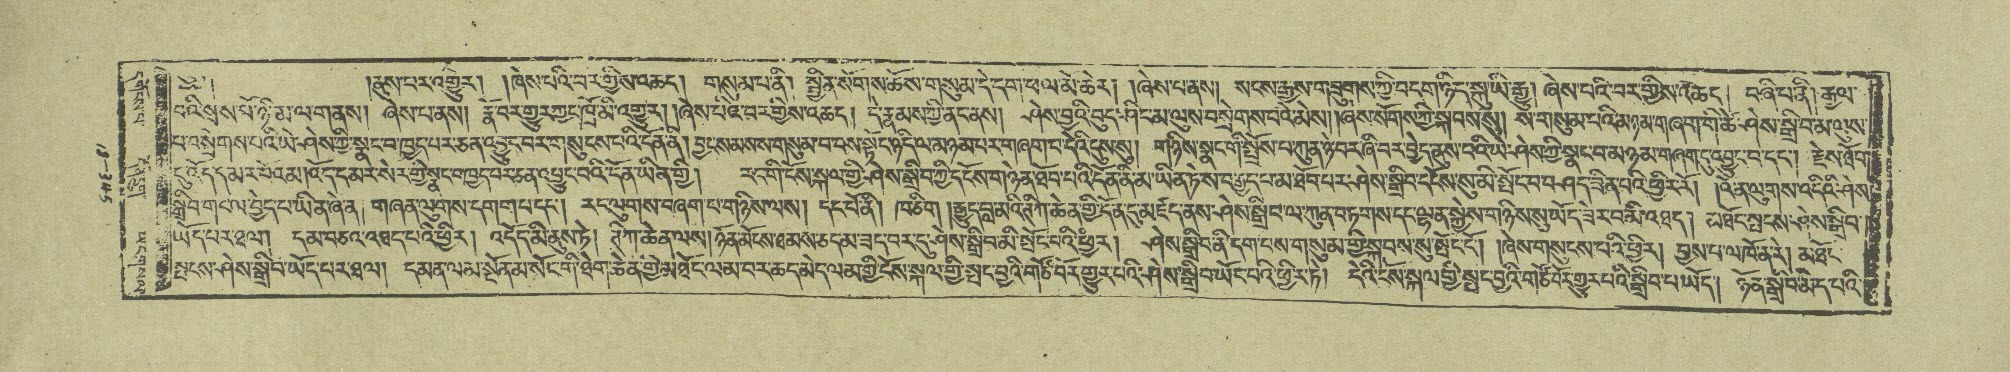༄༅། །ནུས་པར་འགྱུར། །ཞེས་པའི་བར་གྱིས་འཆད། གསུམ་པ་ནི། སྦྱིན་སོགས་ཆོས་གསུམ་དེ་དག་ཕལ་མོ་ཆེར། །ཞེས་པ་ནས། སངས་རྒྱས་གཟུགས་ཀྱི་བདག་ཉིད་སྐུ་ཡི་རྒྱུ། ཞེས་པའི་བར་གྱིས་འཆད། བཞི་པ་ནི། རྒྱལ་
བའི་སྲས་བོ་ཉི་མ་ལ་གནས། ཞེས་པ་ནས། རྣོ་བར་གྱུར་ཀྱང་ཁྲོ་མི་འགྱུར། །ཞེས་པའི་བར་གྱིས་འཆད། དེ་རྣམས་ཀྱི་ནང་ནས། ཤེས་བྱའི་བུད་ཤིང་མ་ལུས་བསྲེགས་པའི་མེས། །ཞེས་སོགས་ཀྱི་སྐབས་སུ། ས་གསུམ་པའི་མཉམ་གཞག་གི་ཚེ་ཤེས་སྒྲིབ་མ་ལུས་
པ་བསྲེགས་པའི་ཡེ་ཤེས་ཀྱི་སྣང་བ་ཁྱད་པར་ཅན་འབྱུང་བར་གསུངས་པའི་དོན་ནི། བྱང་སེམས་གསུམ་པ་བས་སྟོང་ཉིད་ལ་མཉམ་པར་གཞག་པ་དེའི་དུས་སུ། གཉིས་སྣང་གི་སྤྲོས་པ་ཀུན་ཉེ་བར་ཞི་བར་བྱེད་ནུས་པའི་ཡེ་ཤེས་ཀྱི་སྣང་བ་མཉམ་གཞག་དུ་འབྱུང་བ་དང་། རྗེས་ཐོབ་
དུ་འོད་དམར་པོའམ། འོད་དམར་སེར་གྱི་སྣང་བ་ཁྱད་པར་ཅན་འབྱུང་བའི་དོན་ཡིན་གྱི། རང་གི་ངོས་སྐལ་གྱི་ཤེས་སྒྲིབ་ཀྱི་དངོས་གཉེན་ཐོབ་པའི་དོན་ནི་མ་ཡིན་ཏེ་ས་བརྒྱད་པ་མ་ཐོབ་པར་ཤེས་སྒྲིབ་དངོས་སུ་མི་སྤོང་བ་བཤད་ཟིན་པའི་ཕྱིར་རོ། །འོ་ན་ལུགས་འདིའི་ཤེས་
སྒྲིབ་གང་ལ་བྱེད་པ་ཡིན་ཞེ་ན། གཞན་ལུགས་དགག་པ་དང་། རང་ལུགས་བཞག་པ་གཉིས་ལས། དང་པོ་ནི། ཁ་ཅིག །རྒྱུད་བླ་མའི་ཊིཀ་ཆེན་གྱི་དོན་དུ་མཛད་ནས་ཤེས་སྒྲིབ་ལ་ཀུན་བཏགས་དང་ལྷན་སྐྱེས་གཉིས་སུ་ཡོད་ཟེར་བ་མི་འཐད། མཐོང་སྤངས་ཤེས་སྒྲིབ་
ཡོད་པར་ཐལ། དམ་བཅའ་འཐད་པའི་ཕྱིར། འདོད་མི་ནུས་ཏེ། ཊིཀ་ཆེན་ལས། ཉོན་ཐོས་ཐམས་ཅད་མ་ཟད་པར་དུ་ཤེས་སྒྲིབ་མི་སྤོང་བའི་ཕྱིར། ཤེས་སྒྲིབ་ནི་དག་པས་གསུམ་གྱི་སྐབས་སུ་སྤོང་ངོ། །ཞེས་གསུངས་པའི་ཕྱིར། བྱས་པ་ལ་ཁོ་ན་རེ། མཐོང་
སྤངས་ཤེས་སྒྲིབ་ཡོད་པར་ཐལ། དམན་ལམ་སྔོན་མ་སོང་གི་ཐེག་ཆེན་གྱི་མཐོང་ལམ་བར་ཆད་མེད་ལམ་གྱི་ངོས་སྐལ་གྱི་སྤང་བྱའི་གཙོ་བོར་གྱུར་པའི་ཤེས་སྒྲིབ་ཡོད་པའི་ཕྱིར་ཏེ། དེའི་ངོས་སྐལ་གྱི་སྤང་བྱའི་གཙོ་བོར་གྱུར་པའི་སྒྲིབ་པ་ཡོད། ཉོན་སྒྲིབ་མེད་པའི་